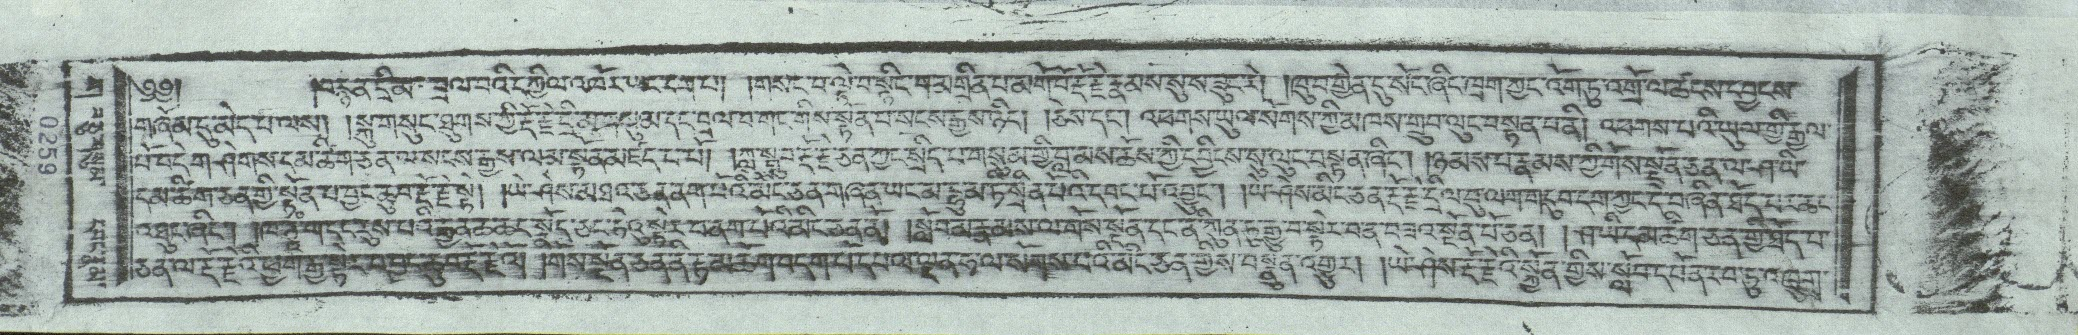༄༅། །བརྙན་དྲི་མ་བྲལ་བའི་དཀྱིལ་འཁོར་ཡང་དག་པ། །གསང་བ་ལྟེ་བ་སྙིང་ག་མགྲིན་པ་མགོ་བོ་རྡོ་རྗེ་རྣམས་སུ་ས་ཟུང་རེ། །ཁུ་བ་གྱེན་དུ་སོང་ཞིང་ཁྲག་ཀྱང་འོག་ཏུ་འགྲོ་ལ་ཚངས་དབྱངས་
གཞོམ་དུ་མེད་པ་ལས། །སྐུ་གསུང་ཐུགས་ཀྱི་རྡོ་རྗེ་དྲི་མ་གསུམ་དང་བྲལ་བ་གང་གིས་སྟོན་པ་སངས་རྒྱས་ཉིད། །ཅེས་དང་། འཕགས་ཡུལ་སོགས་ཀྱི་མཁས་གྲུབ་ལུང་བསྟན་པ་ནི། འཕགས་པའི་ཡུལ་གྱི་རྒྱལ་
པོ་བདེ་གཤེགས་དམ་ཚིག་ཅན་ལ་སངས་རྒྱས་ལམ་སྟོན་མཛད་པ་པོ། །ཀླུ་སྒྲུབ་རྡོ་རྗེ་ཅན་ཀྱང་སྲིད་པ་གསུམ་གྱི་བླ་མས་ཆོས་ཀྱི་དབྱིངས་སུ་ལུང་བསྟན་ཞིང་། །ཉམས་པ་རྣམས་ཀྱི་གོས་སྔོན་ཅན་ལ་ཤ་ཡི་
དམ་ཚིག་ཅན་གྱི་སྟོན་པ་བྱང་ཆུབ་རྡོ་རྗེ་སྟེ། །ཡེ་ཤེས་མཐའ་ཅན་ནག་པོའི་མིང་ཅན་གཞན་ཡང་མ་དྷུ་མ་ཏི་སྲིན་པོའི་དབང་པོ་འབྱུང་། །ཡེ་ཤེས་མིང་ཅན་རྡོ་རྗེ་དྲིལ་བུ་ལག་གདུབ་དག་ཀྱང་དེ་བཞིན་ཐོད་པར་ཆང་
འཐུང་ཞིང་། །ཁ་ཊཱཾ་ག་དང་རུས་པའི་རྒྱན་ཆ་ཆང་སྣོད་ཅང་ཏེའུ་སྟེར་བ་ནག་པོའི་མིང་ཅན་ནོ། །སློབ་མ་རྣམས་ལ་གོས་སྔོན་དང་ནི་ཀུན་ཏུ་རྒྱུ་བ་སྟེར་བ་ན་བཟའ་སྔོན་པོ་ཅན། །ཤ་ཡི་དམ་ཚིག་ཅན་གྱི་ཐོད་པ་
ཅན་ལ་རྡོ་རྗེའི་ཕྱག་རྒྱ་སྟེར་བ་བྱང་ཆུབ་རྡོ་རྗེའོ། །གོས་སྔོན་ཅན་ནི་རྟ་མཆོག་བདག་པོ་དཔལ་ལྡན་ཧ་ལ་སོགས་པའི་མིང་ཅན་གྱིས་བསྣུན་འགྱུར། །ཡེ་ཤེས་རྡོ་རྗེའི་སྐྱོན་གྱིས་སློབ་དཔོན་རབ་ཏུ་འཁྲུགས་